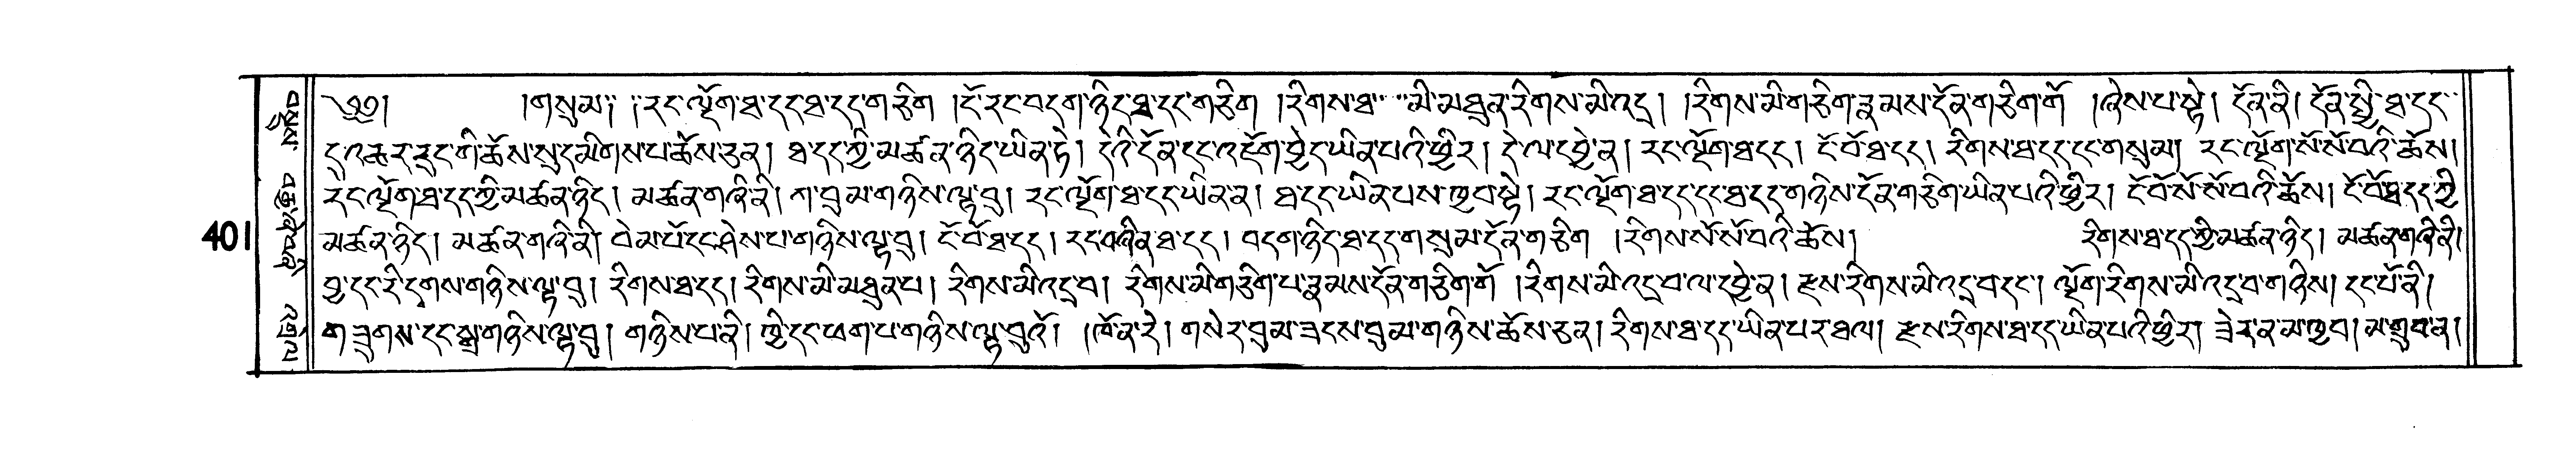༄༅། །གསུམ༑ ༑རང་ལྡོག་ཐ་དད་ཐ་དག་གཅིག །ངོ་རང་བདག་ཉིད་ཐ་དད་གཅིག། རིགས་ཐ་མི་མཐུན་རིགས་མི་འདྲ། རིགས་མིག་གཅིག་རྣམས་དོན་གཅིག་གོ། །ཞེས་པ་སྟེ། དོན་ནི། དོན་སྤྱི་ཐ་དད་
དུ་འཆར་རུང་གི་ཆོས་སུ་དམིགས་པ་ཆོས་ཅན། ཐ་དད་ཀྱི་མཚན་ཉིད་ཡིན་ཏེ། དེའི་དོན་དང་འཇོག་བྱེད་ཡིན་པའི་ཕྱིར། དེ་ལ་དབྱེ་ན། རང་ལྡོག་ཐ་དད། ངོ་བོ་ཐ་དད། རིགས་ཐ་དད་དང་གསུམ། རང་ལྡོག་སོ་སོ་བའི་ཆོས།
རང་ལྡོག་ཐ་དད་ཀྱི་མཚན་ཉིད། མཚན་གཞི་ནི། ཀ་བུམ་གཉིས་ལྟ་བུ། རང་ལྡོག་ཐ་དད་ཡིན་ན། ཐ་དད་ཡིན་པས་ཁྱབ་སྟེ། རང་ལྡོག་ཐ་དད་དང་གཉིས་དོན་གཅིག་ཡིན་པའི་ཕྱིར། ངོ་བོ་སོ་སོ་བའི་ཆོས། ངོ་བོ་ཐ་དད་ཀྱི་
མཚན་ཉིད། མཚན་གཞི་ནི། བེམ་པོ་དང་ཤེས་པ་གཉིས་ལྟ་བུ། ངོ་བོ་ཐ་དད། བདག་ཉིད་ཐ་དད་གསུམ་དོན་གཅི། རྟོགས་སོ་སོ་བའི་ཆོས། རིགས་ཐ་དད་ཀྱི་མཚན་ཉིད། མཚན་གཞི་ནི།
བྱ་དང་རི་དྭགས་གཉི་ལྟ་བུ། རིགས་ཐ་དད། རིགས་མི་མཐུན་པ། རིགས་མི་འདྲ་བ། རིགས་མི་གཅིག་པ་རྣམས་དོན་གཅིག་གོ། །རིགས་མི་འདྲ་བ་ལ་དབྱེ་ན། རྫས་རིགས་མི་འདྲ་བ་དང་། ལྡོག་རིགས་མི་འདྲ་བ་གཉིས། དང་པོ་ནི།
གཟུགས་དང་སྒྲ་གཉིས་ལྟ་བུ། གཉིས་པ་ནི་ཁྱི་དང་ཕག་པ་གཉིས་ལྟ་བུའོ། །ཁོ་ན་རེ། གསེར་བུམ་ཟངས་བུམ་གཉིས་ཆོས་ཅན། རིགས་ཐ་དད་ཡིན་པར་ཐལ། རྫས་རིགས་ཐ་དད་ཡིན་པའི་ཕྱིར། ཟེར་ན་མ་ཁྱབ། མ་གྲུབ་ན།